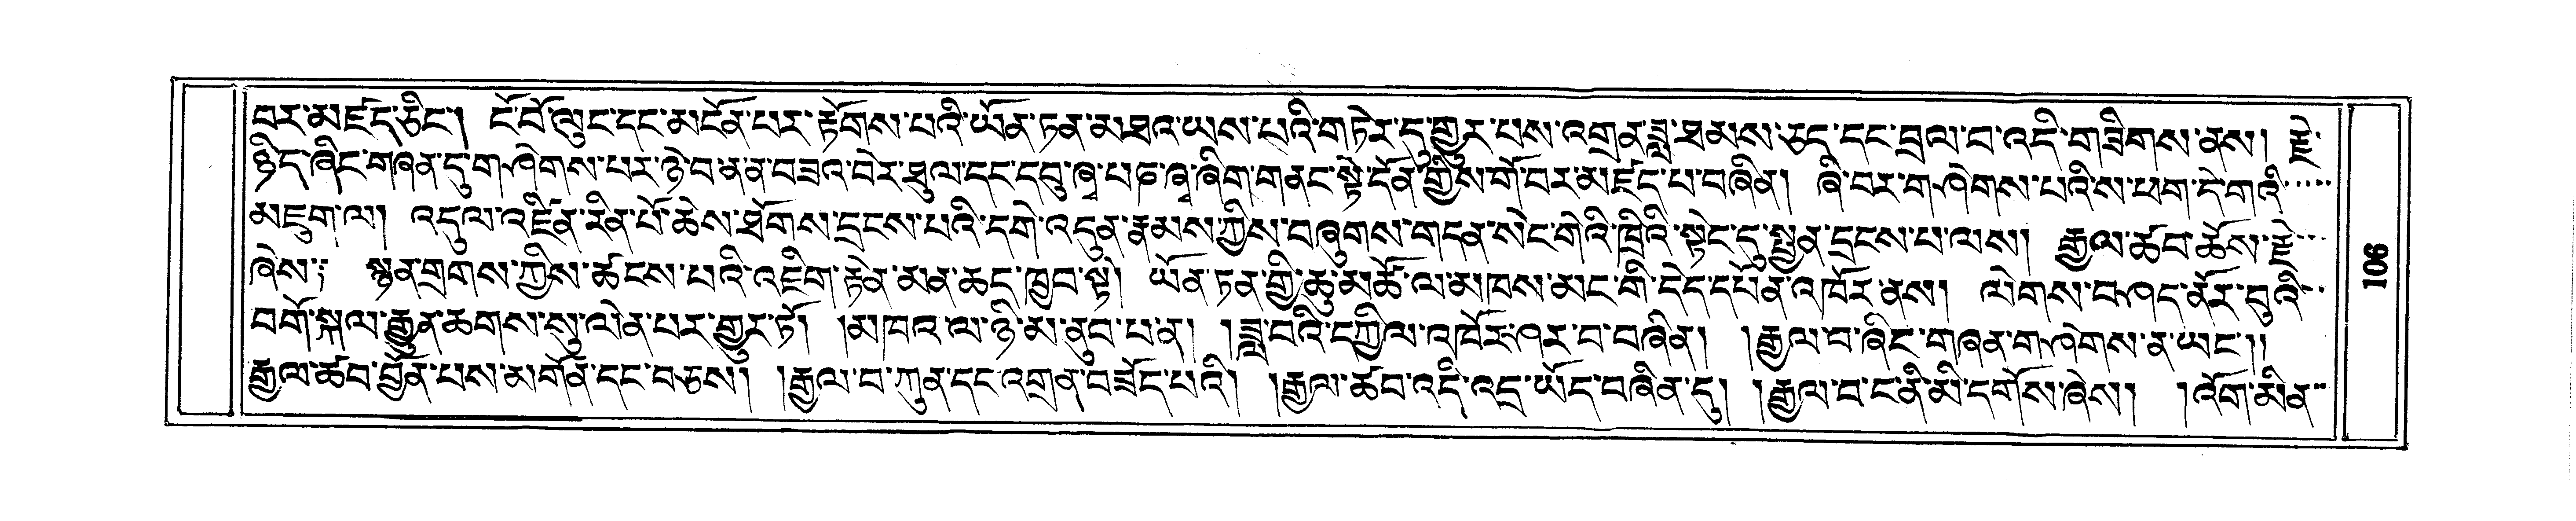བར་མཛད་ཅིང་། ངོ་བོ་ལུང་དང་མངོན་པར་རྟོགས་པའི་ཡོན་ཏན་མཐའ་ཡས་པའི་གཏེར་དུ་གྱུར་པས་འགྲན་ཟླ་ཐམས་ཅད་དང་བྲལ་བ་འདི་གཟིགས་ནས། རྗེ་
ཉིད་ཞིང་གཞན་དུ་གཤེགས་པར་ཉེ་བ་ན་ན་བཟའ་བེར་ཐུལ་དང་དབུ་ཞྭ་པཎ་ཞྭ་ཞིག་ནང་སྟེ་དོན་གྱིས་གོ་བར་མཛད་པ་བཞིན། ཞི་བར་གཤེགས་པའི་ས་ཕག་དེ་གའི་
མཇུག་ལ། འདུལ་འཛིན་རིན་པོ་ཆེས་ཐོགས་དྲངས་པའི་དགེ་འདུན་རྣམས་ཀྱིས་བཞུགས་གདན་སེང་གེའི་ཁྲིའི་སྟེང་དུ་སྤྱན་དྲངས་པ་ལས། རྒྱལ་ཚབ་ཆོས་རྗེ་
ཞེས༑ སྙན་གྲགས་ཀྱིས་ཚངས་པའི་འཇིག་རྟེན་མན་ཆད་ཁྱབ་སྟེ། ཡོན་ཏན་གྱི་ཆུ་མཚོ་ལ་མཁས་མང་གི་དེད་དཔོན་འཁོར་ནས། ལེགས་བཤད་ནོར་བུའི་
བགོ་སྐལ་རྒྱུན་ཆགས་སུ་ལེན་པར་གྱུར་ཏོ། །མཁའ་ལ་ཉི་མ་ནུབ་པ་ན། །ཟླ་བའི་དཀྱིལ་འཁོར་ཤར་བ་བཞིན། །རྒྱལ་བ་ཞིང་གཞན་གཤེགས་ན་ཡང་། །
རྒྱལ་ཚབ་བྱོན་པས་མགོན་དང་བཅས། །རྒྱལ་བ་ཀུན་དང་འགྲན་བཟོད་པའི། །རྒྱལ་ཚབ་འདི་འདྲ་ཡོད་བཞིན་དུ། །རྒྱལ་བ་ང་ནི་མི་དགོས་ཞེས། །འོག་མིན་